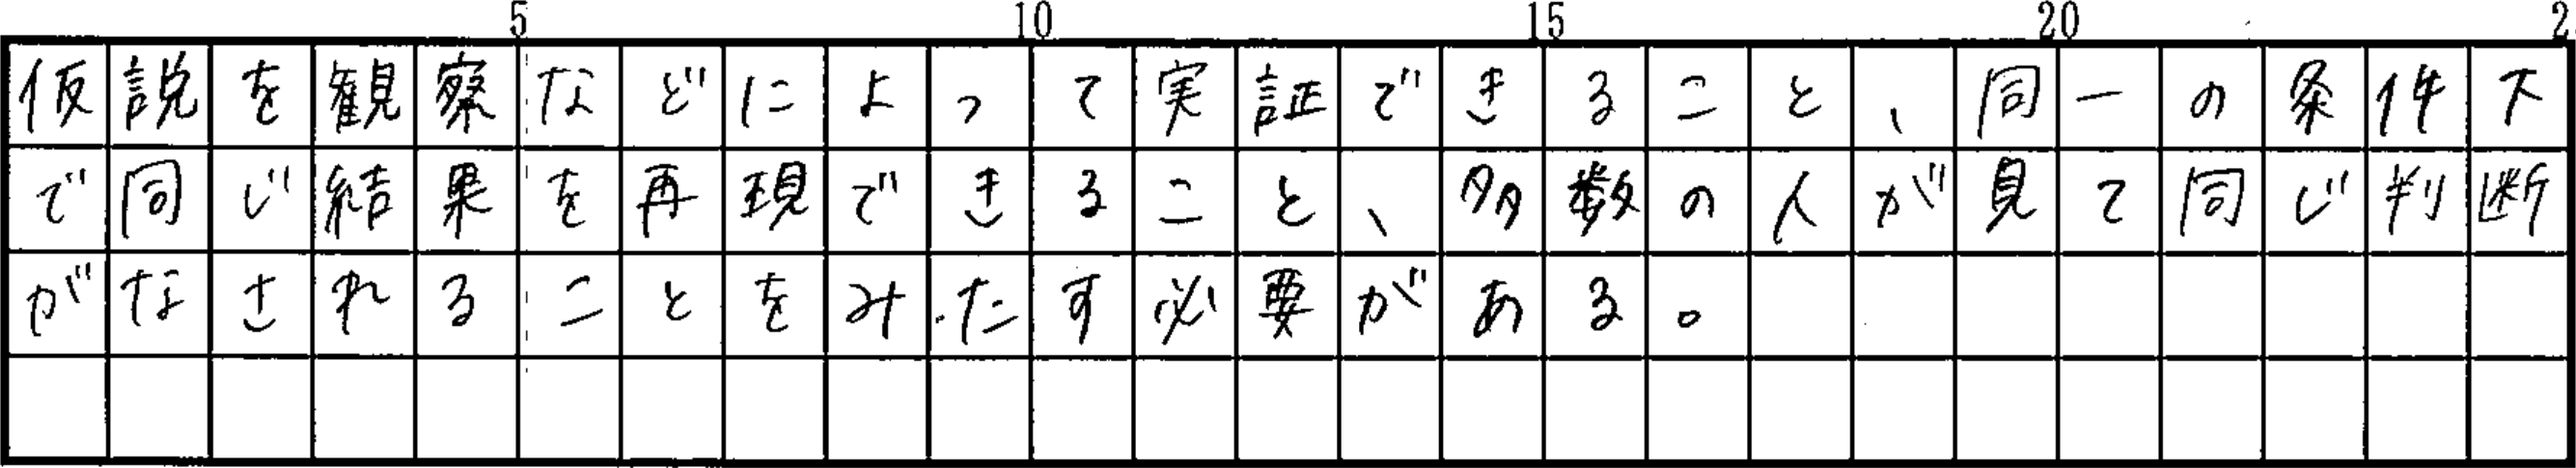仮説を観察などによって実証できること、同一の条件下で同じ結果を再現できること、多数の人が見て同じ判断がなされることをみたす必要がある。
